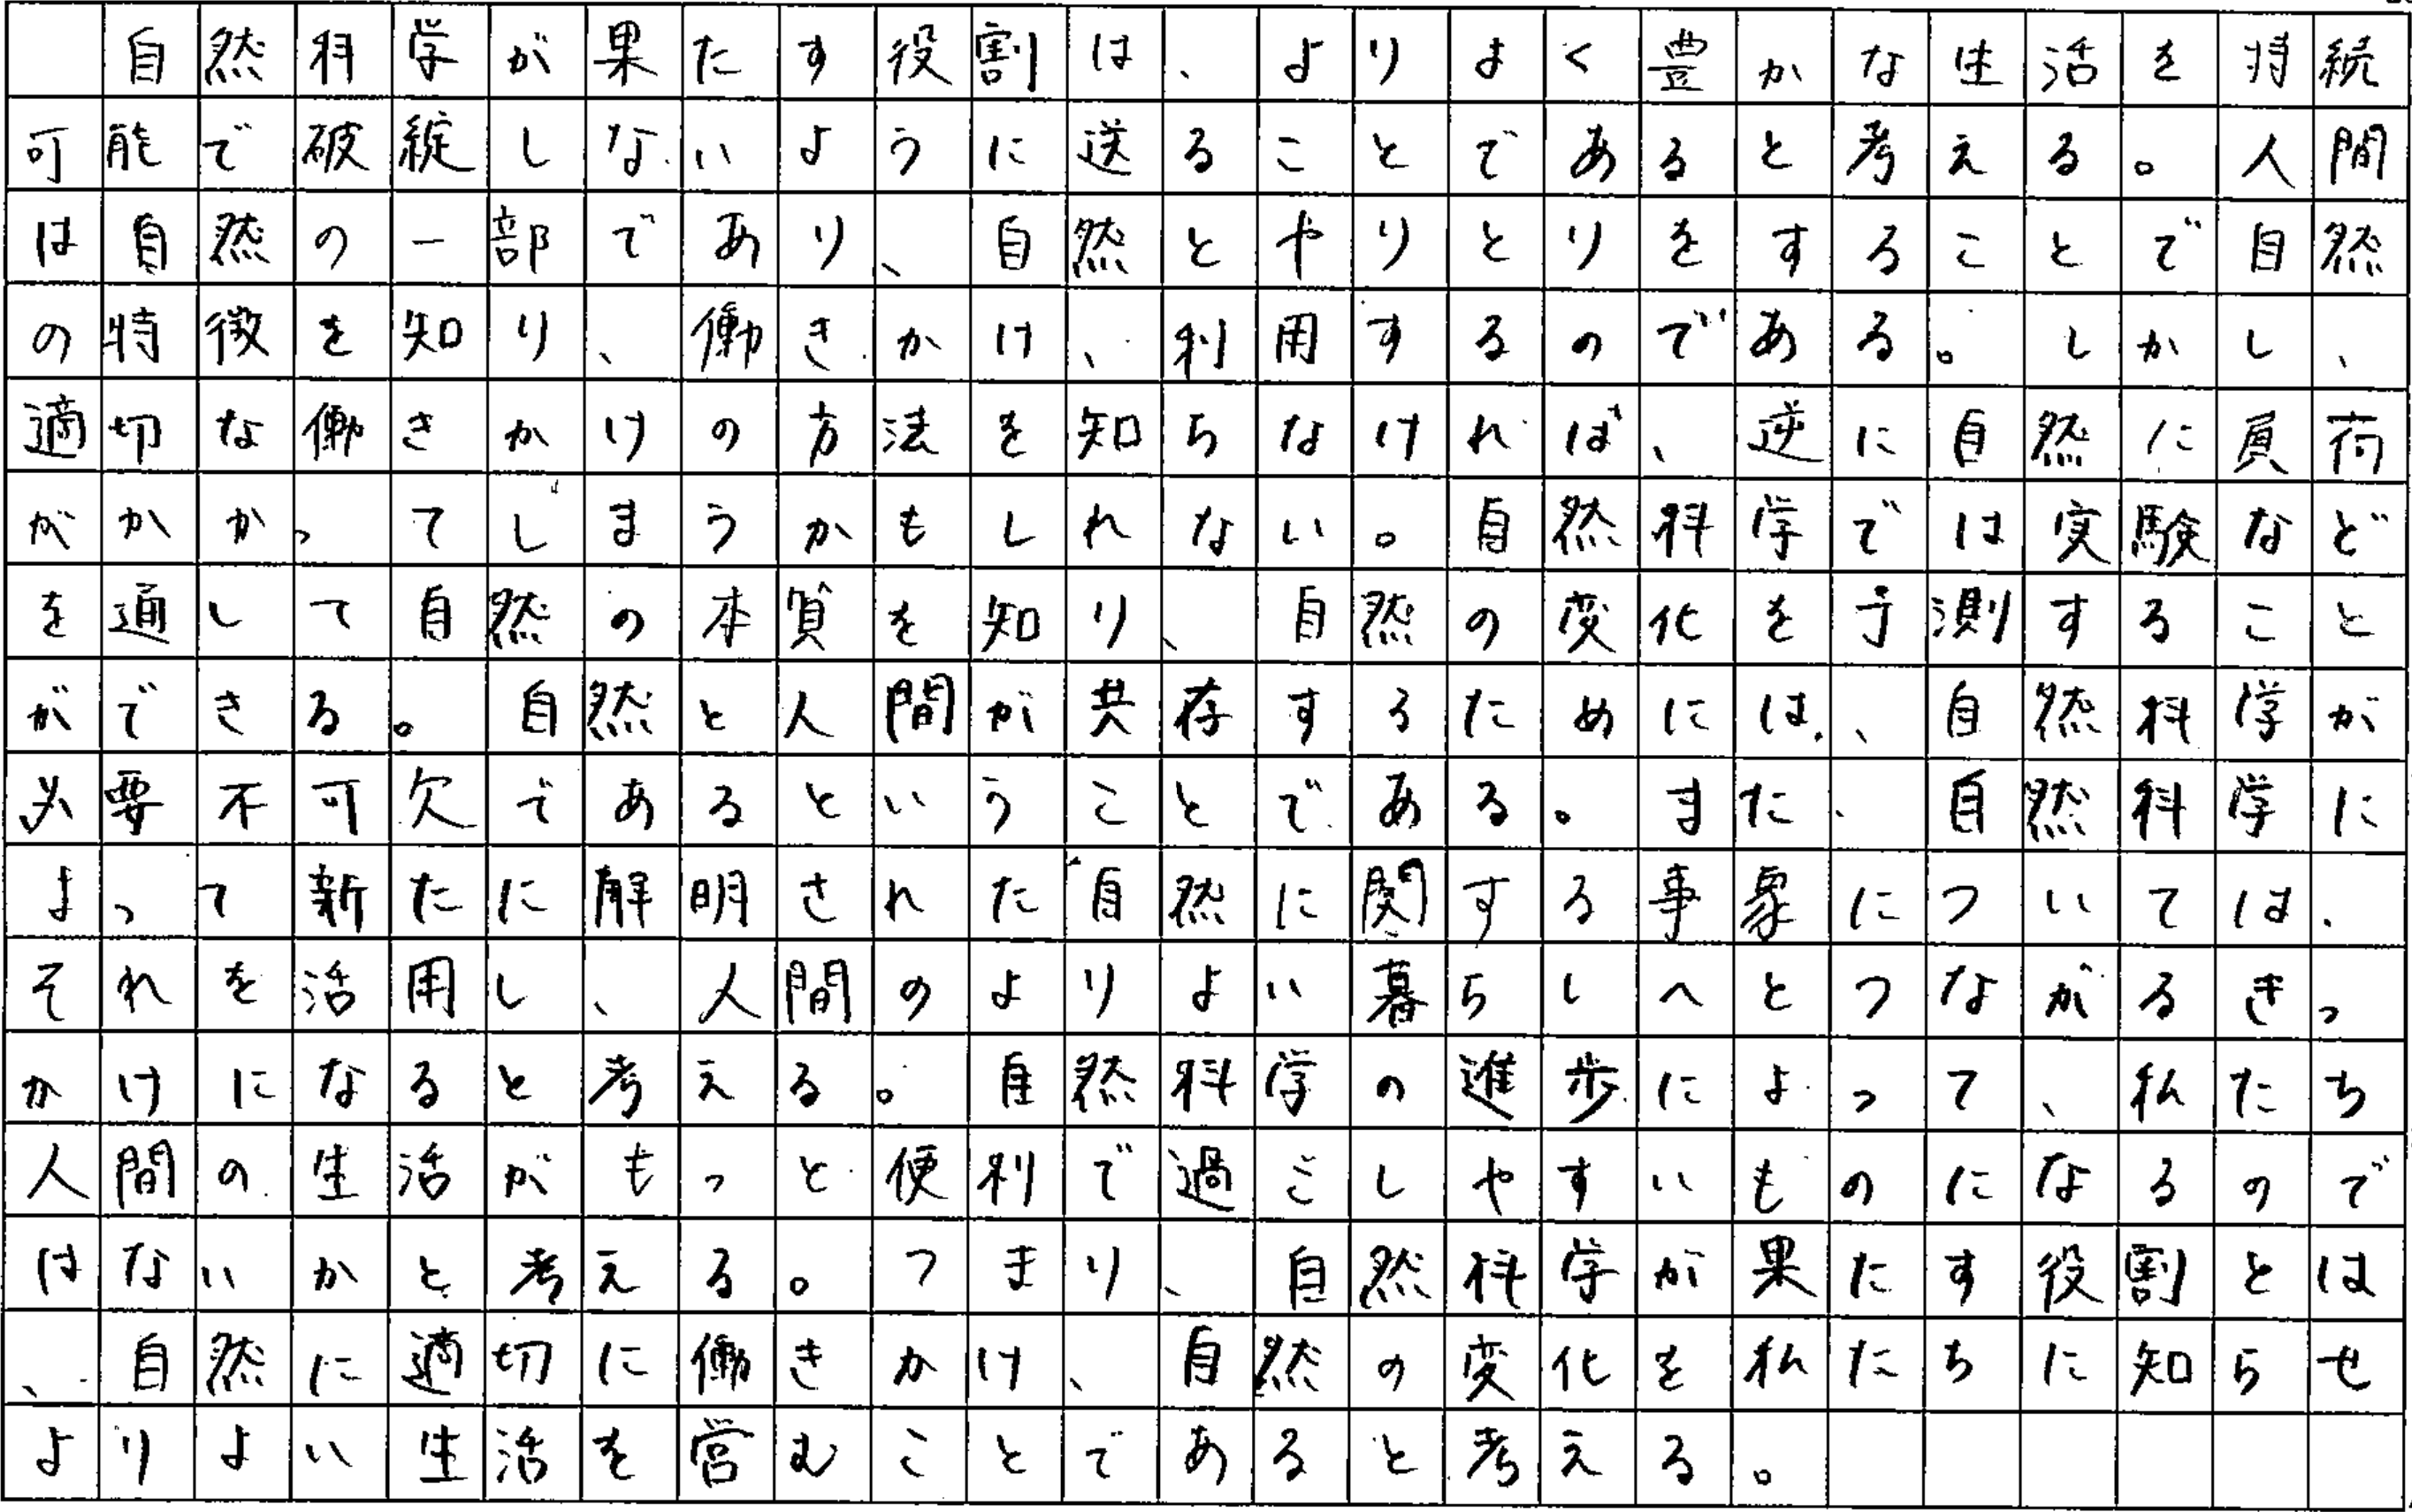　自然科学が果たす役割は、よりよく豊かな生活を持続可能で破綻しないように送ることであると考える。人間は自然の一部であり、自然とやりとりをすることで自然の特徴を知り、働きかけ、利用するのである。しかし、適切な働きかけの方法を知らなければ、逆に自然に負荷がかかってしまうかもしれない。自然科学では実験などを通して自然の本質を知り、自然の変化を予測することができる。自然と人間が共存するためには、自然科学が必要不可欠であるということである。また、自然科学によって新たに解明された自然に関する事象については、それを活用し、人間のよりよい暮らしへとつながるきっかけになると考える。自然科学の進歩によって、私たち人間の生活がもっと便利で過ごしやすいものになるのではないかと考える。つまり、自然科学が果たす役割とは、自然に適切に働きかけ、自然の変化を私たちに知らせよりよい生活を営むことであると考える。
